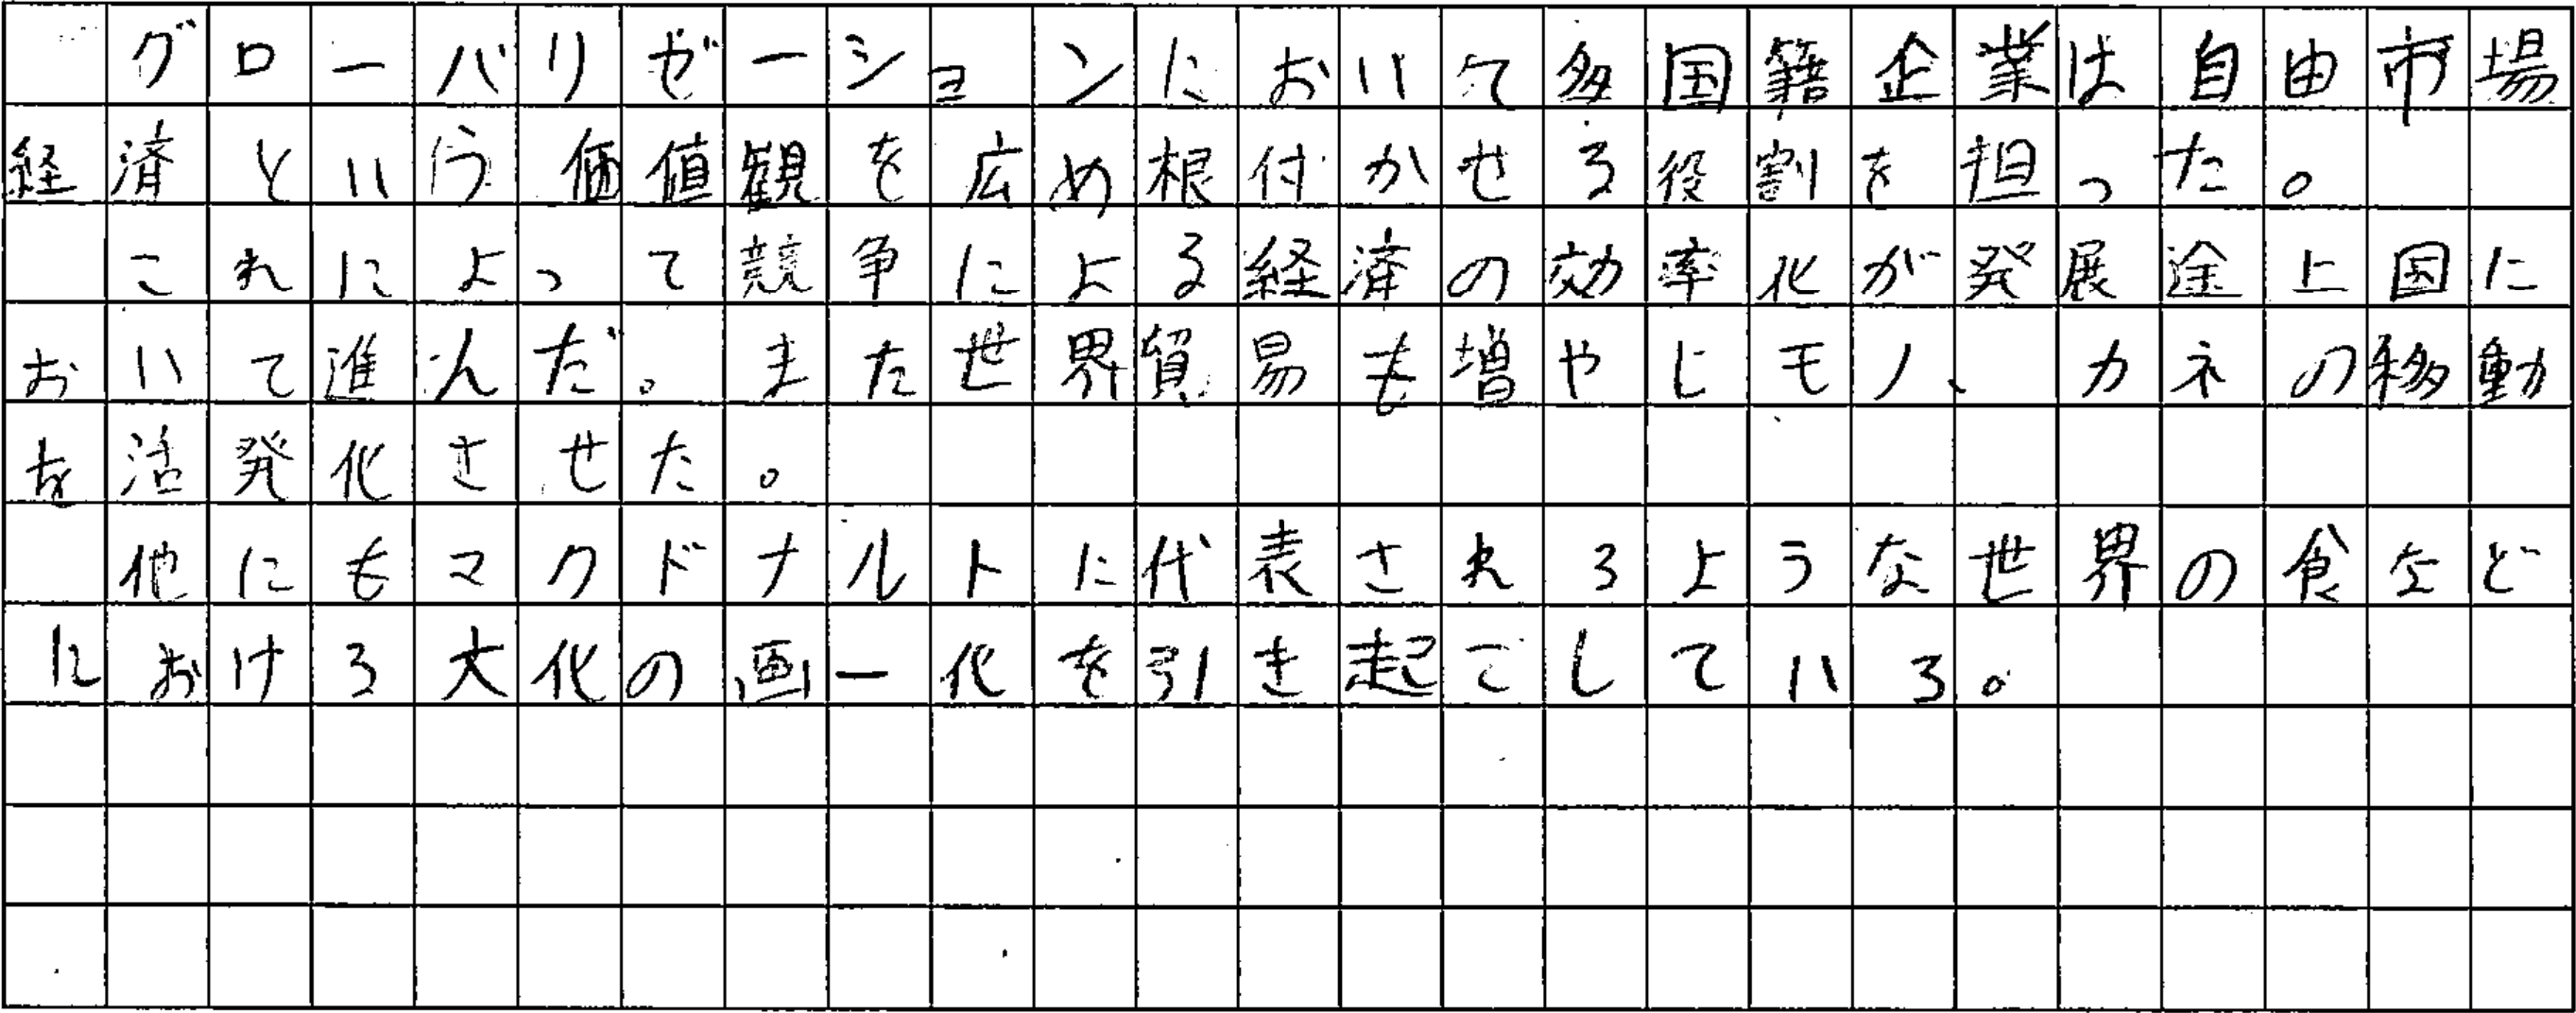　グローバリゼーションにおいて多国籍企業は自由市場経済という価値観を広め根付かせる役割を担った。
　これによって競争による経済の効率化が発展途上国において進んだ。また世界貿易も増やしモノ、カネの移動を活発化させた。
　他にもマクドナルドに代表されるような世界の食などにおける文化の画一化を引き起こしている。
